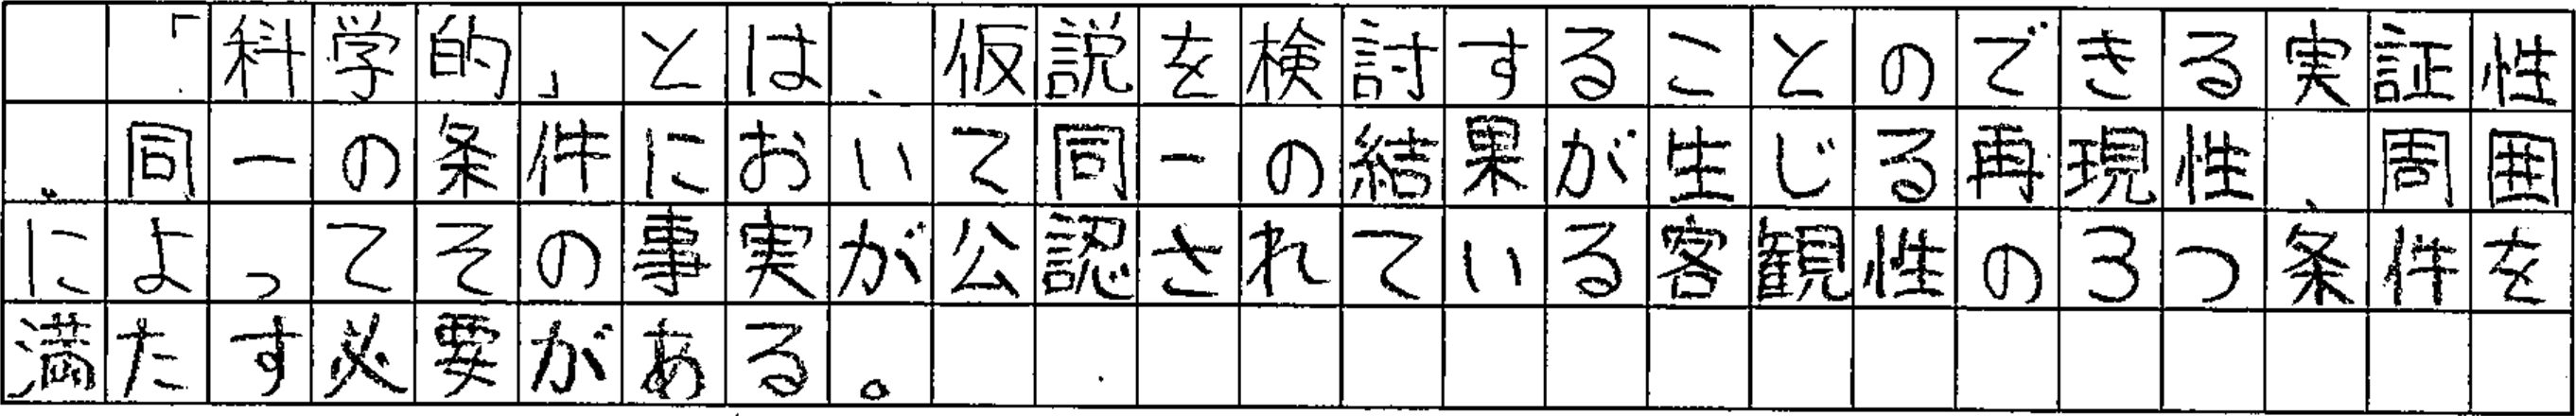　「科学的」とは、仮説を検討することのできる実証性、同一の条件において同一の結果が生じる再現性、周囲によってその事実が公認されている客観性の３つ条件を満たす必要がある。
